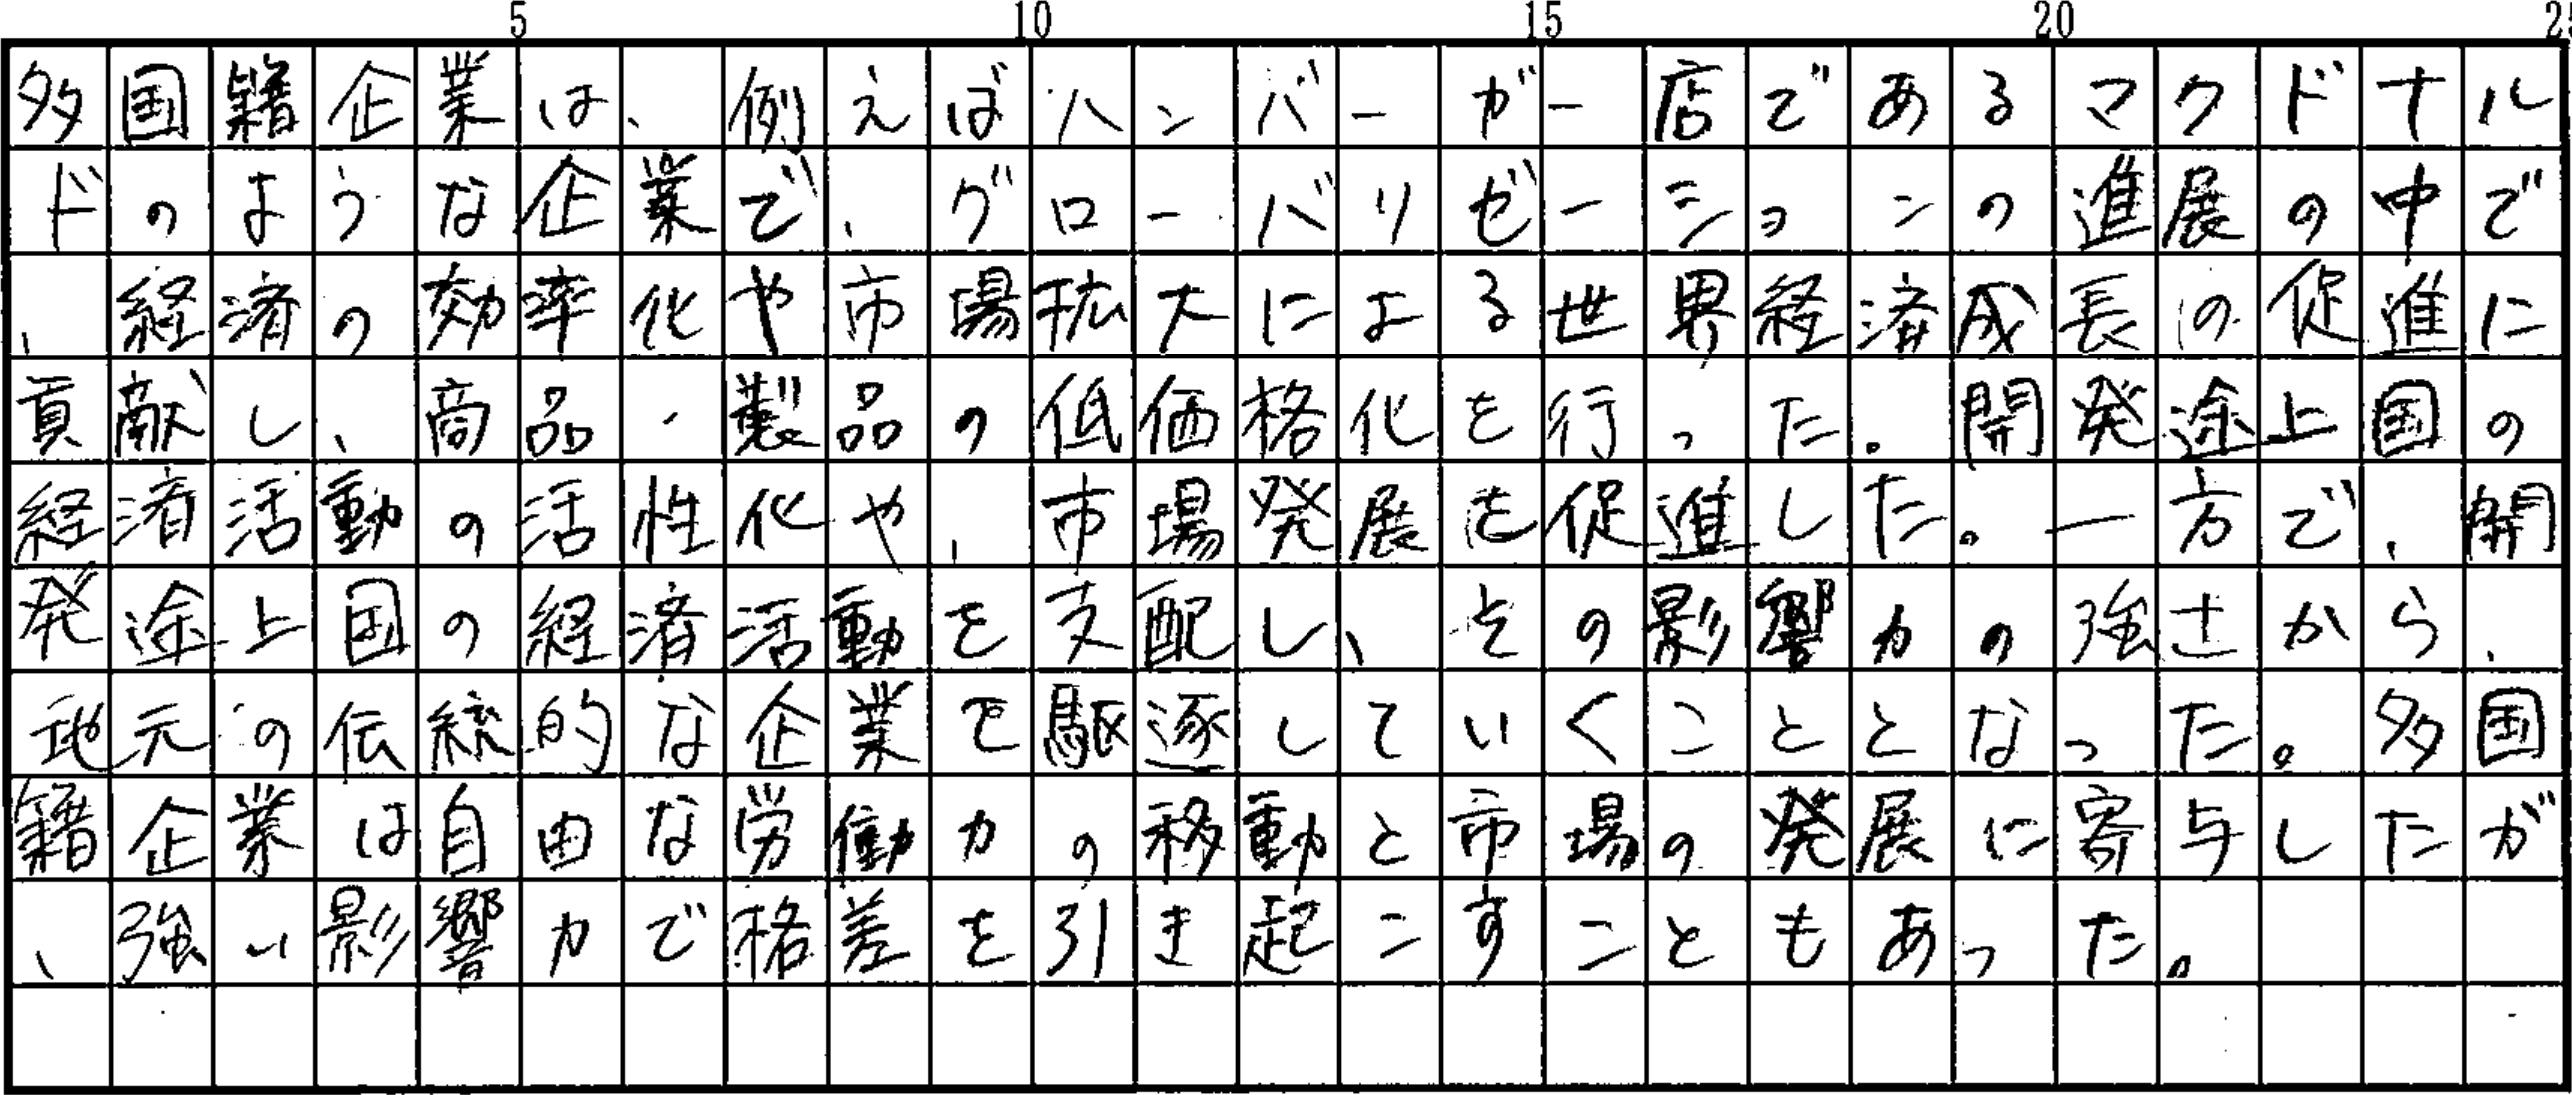多国籍企業は、例えばハンバーガー店であるマクドナルドのような企業で、グローバリゼーションの進展の中で、経済の効率化や市場拡大による世界経済成長の促進に貢献し、商品・製品の低価格化を行った。開発途上国の経済活動の活性化や、市場開発を促進した。一方で、開発途上国の経済活動を支配し、その影響力の強さから、地元の伝統的な企業を駆逐していくこととなった。多国籍企業は自由な労働力の移動と市場の発展に寄与したが、強い影響力で格差を引き起こすこともあった。
